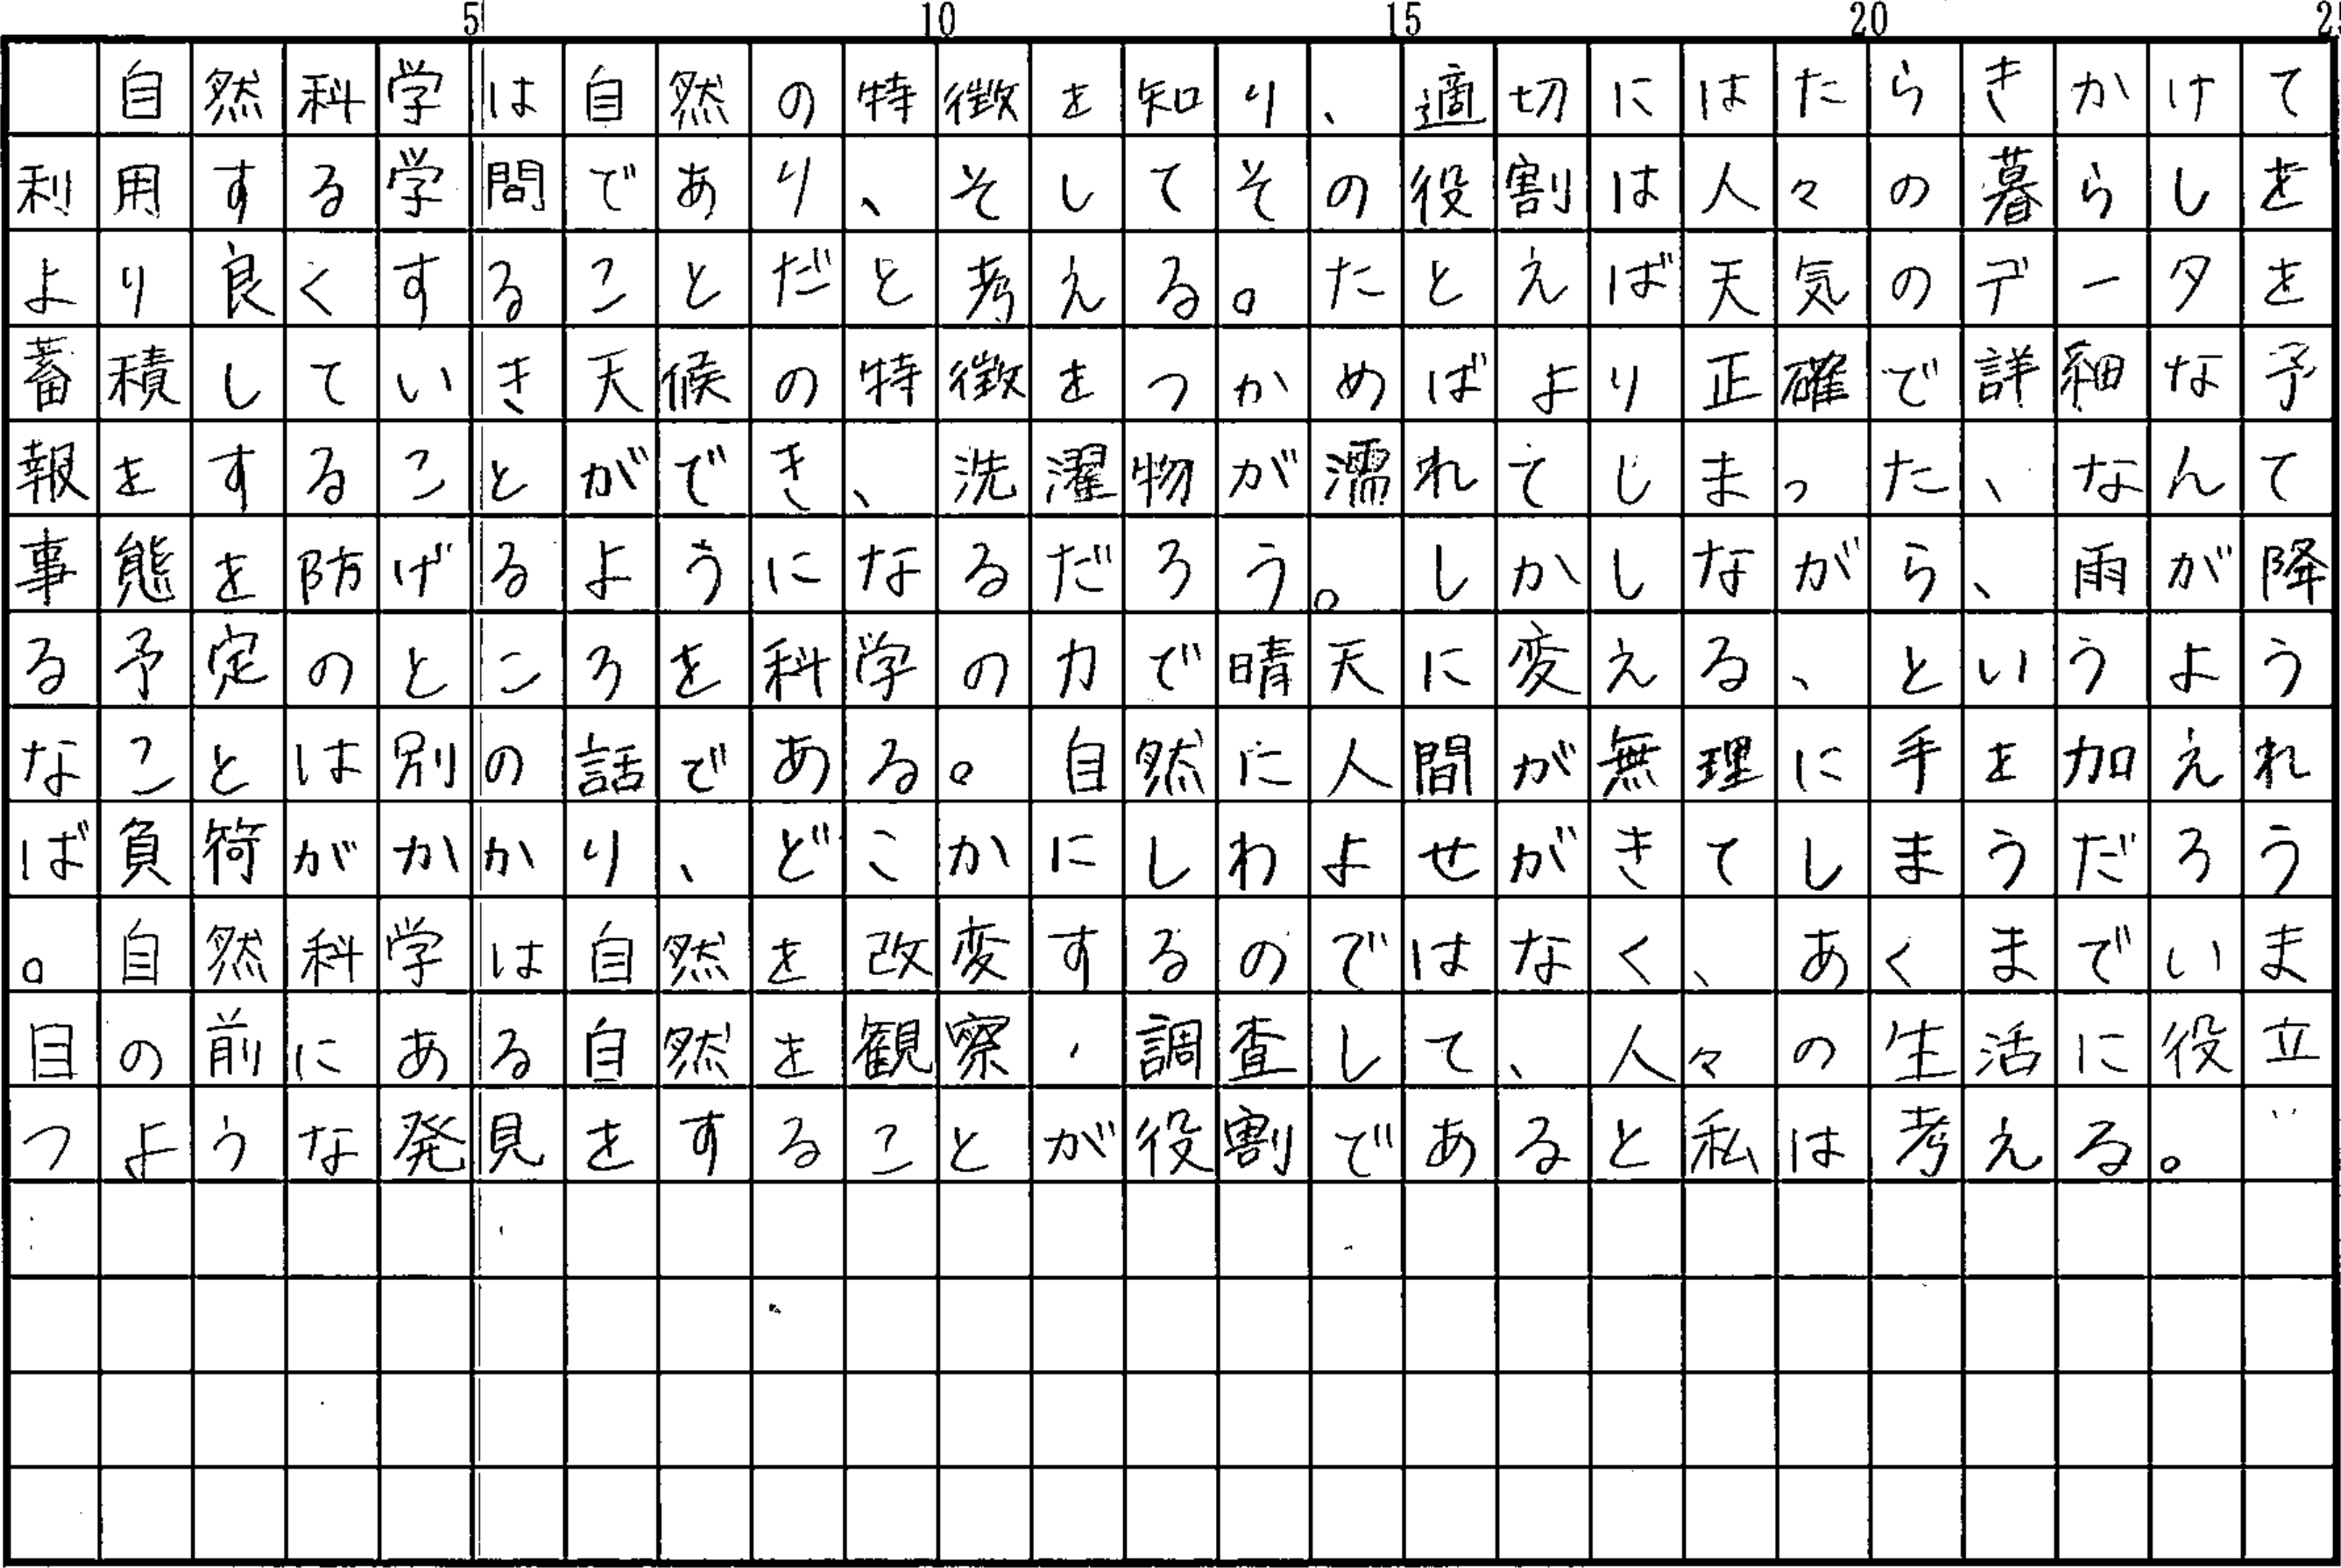　自然科学は自然の特徴を知り、適切にはたらきかけて利用する学問であり、そしてその役割は人々の暮らしをより良くすることだと考える。たとえば天気のデータを蓄積していき天候の特徴をつかめばより正確で詳細な予報をすることができ、洗濯物が濡れてしまった、なんて事態を防げるようになるだろう。しかしながら、雨が降る予定のところを科学の力で晴天に変える、というようなことは別の話である。自然に人間が無理に手を加えれば負荷がかかり、どこかにしわよせがきてしまうだろう。自然科学は自然を改変するのではなく、あくまでいま目の前にある自然を観察・調査して、人々の生活に役立つような発見をすることが役割であると私は考える。
